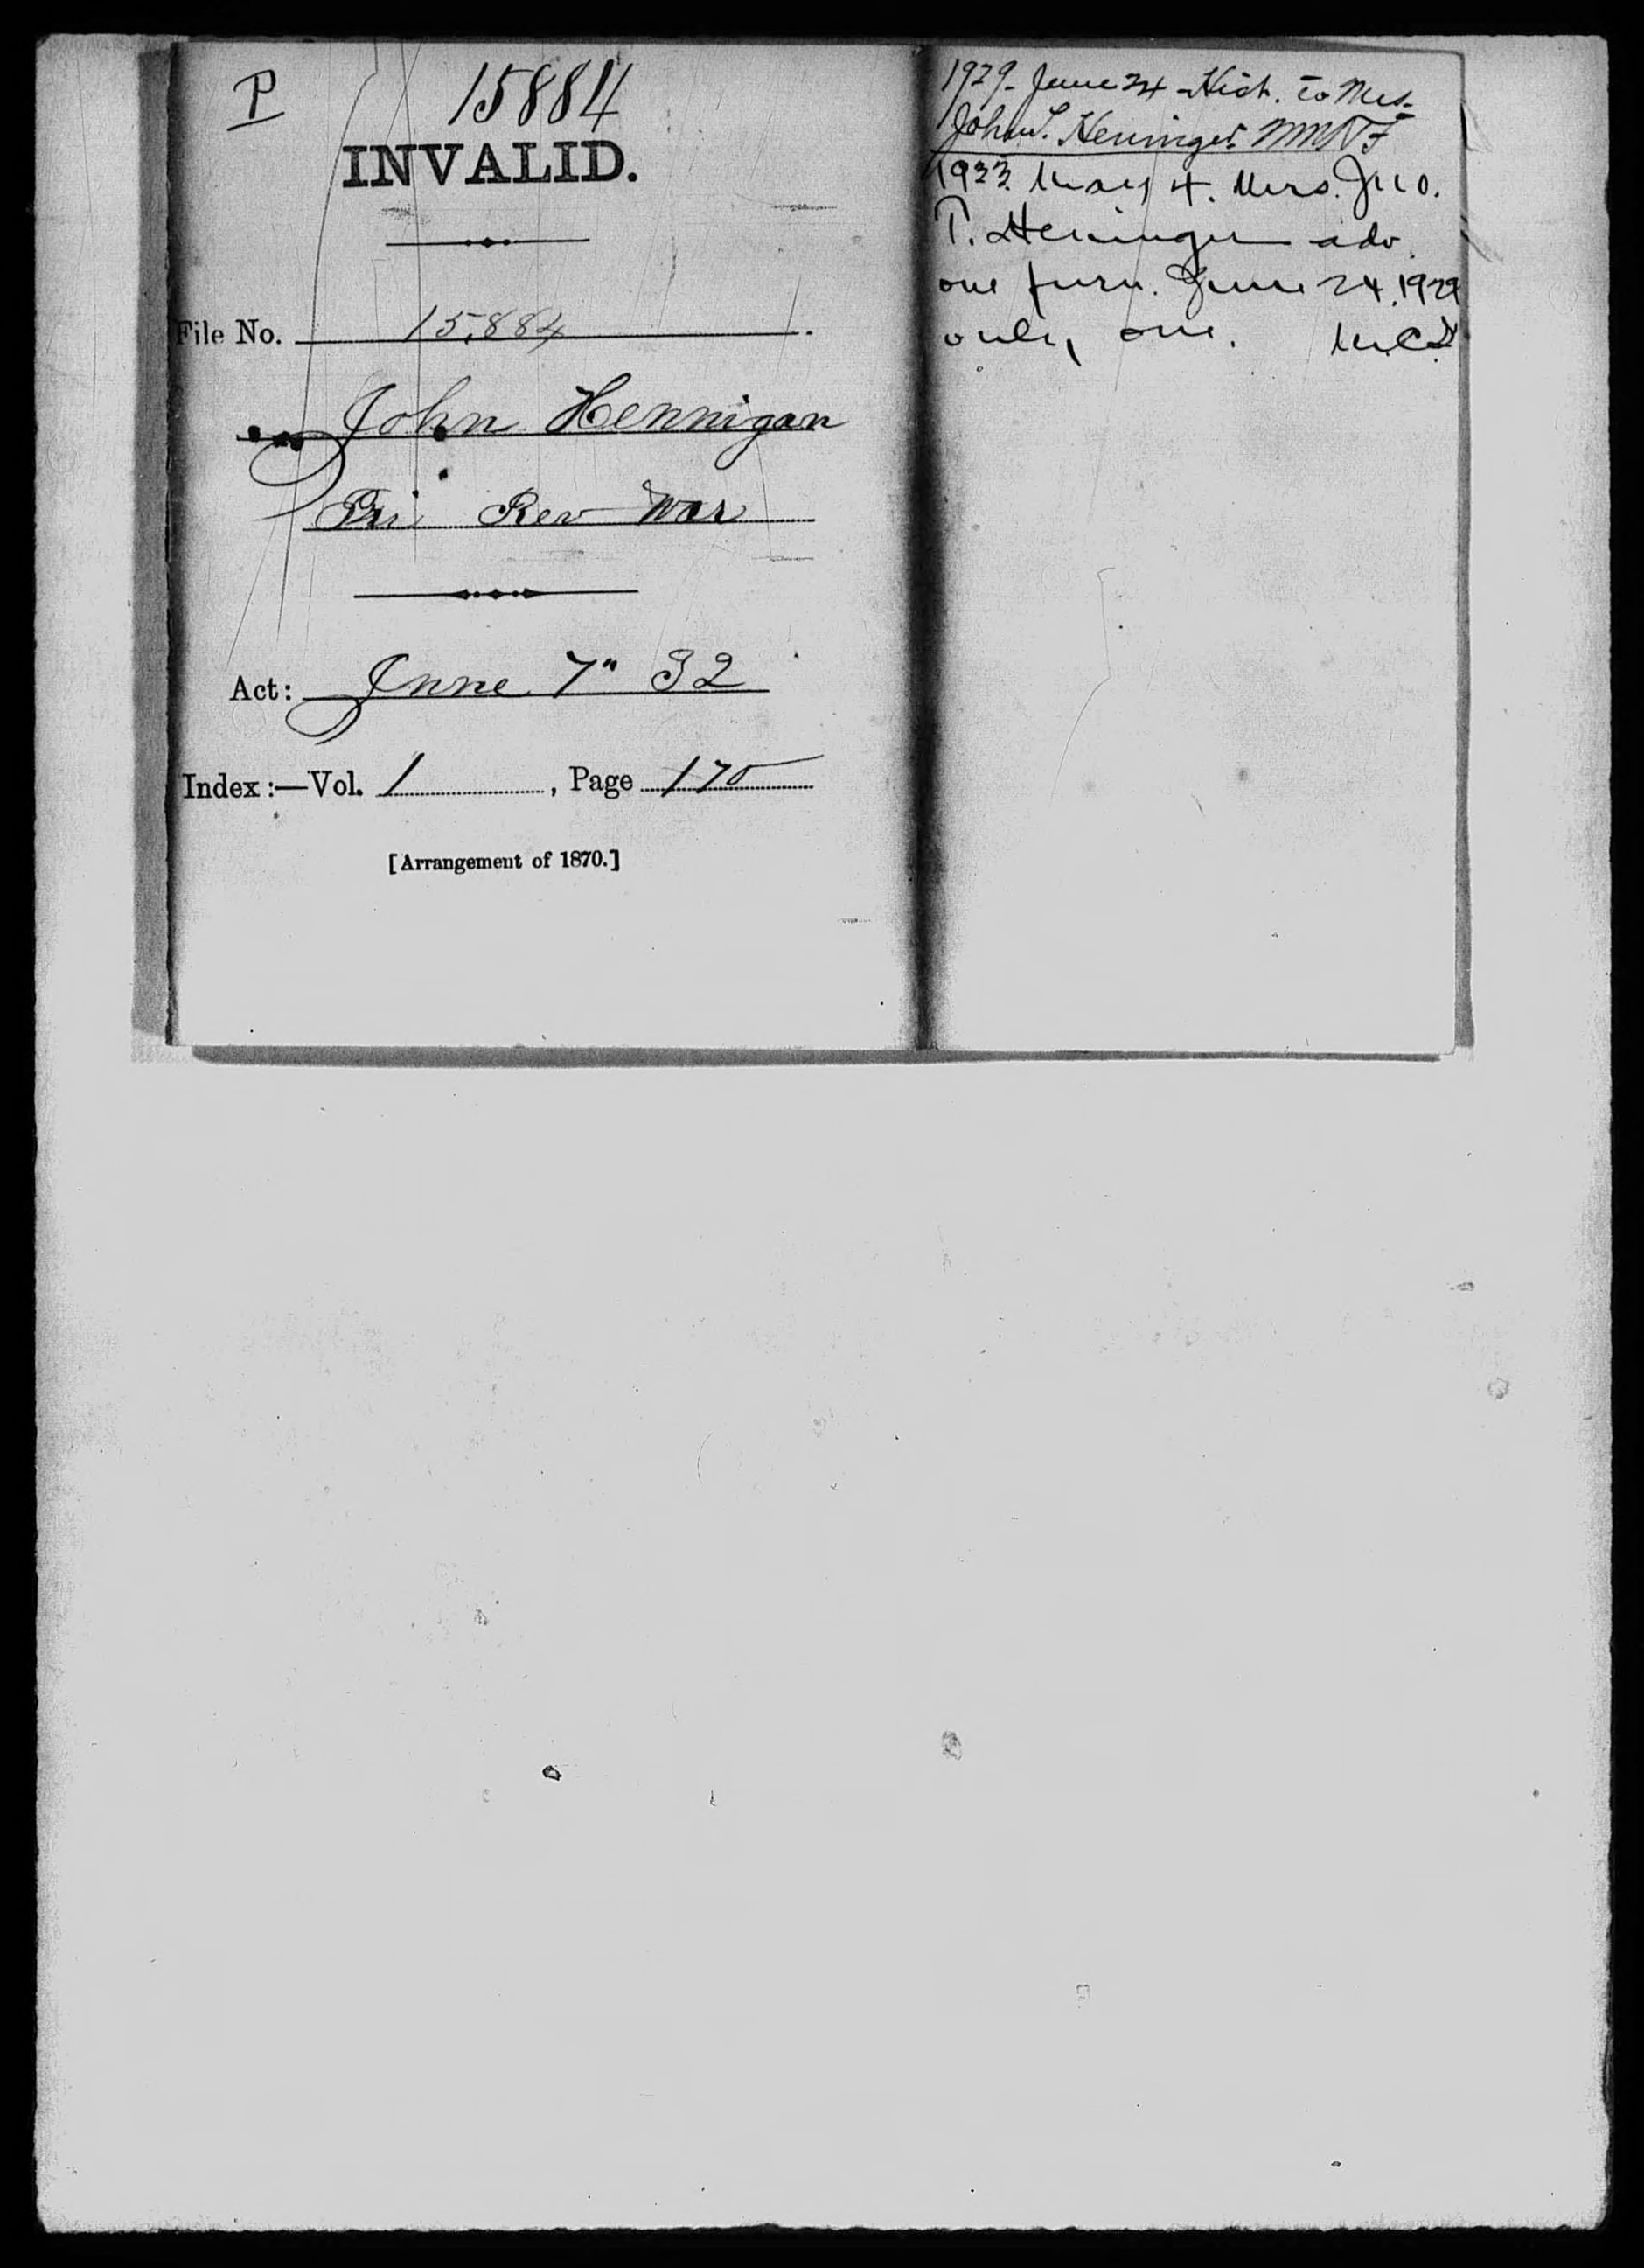P 15884
INVALID

File No 15884
John Hennigan
Pri Rev War

Act Jun 7th '32
Index Vol: 1 Page 170

[Arrangement of 1870]

1929 June 24 - Hist to Mrs. John L Henniger

1923 May 4 Mrs. Jno T Heniger adv one form June 24, 1929 only one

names: Johnane Henniger, John Hennigan, Jno T Heninger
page: 14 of 18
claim: survivor's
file: S. 15,884, John Hennigar, Md.